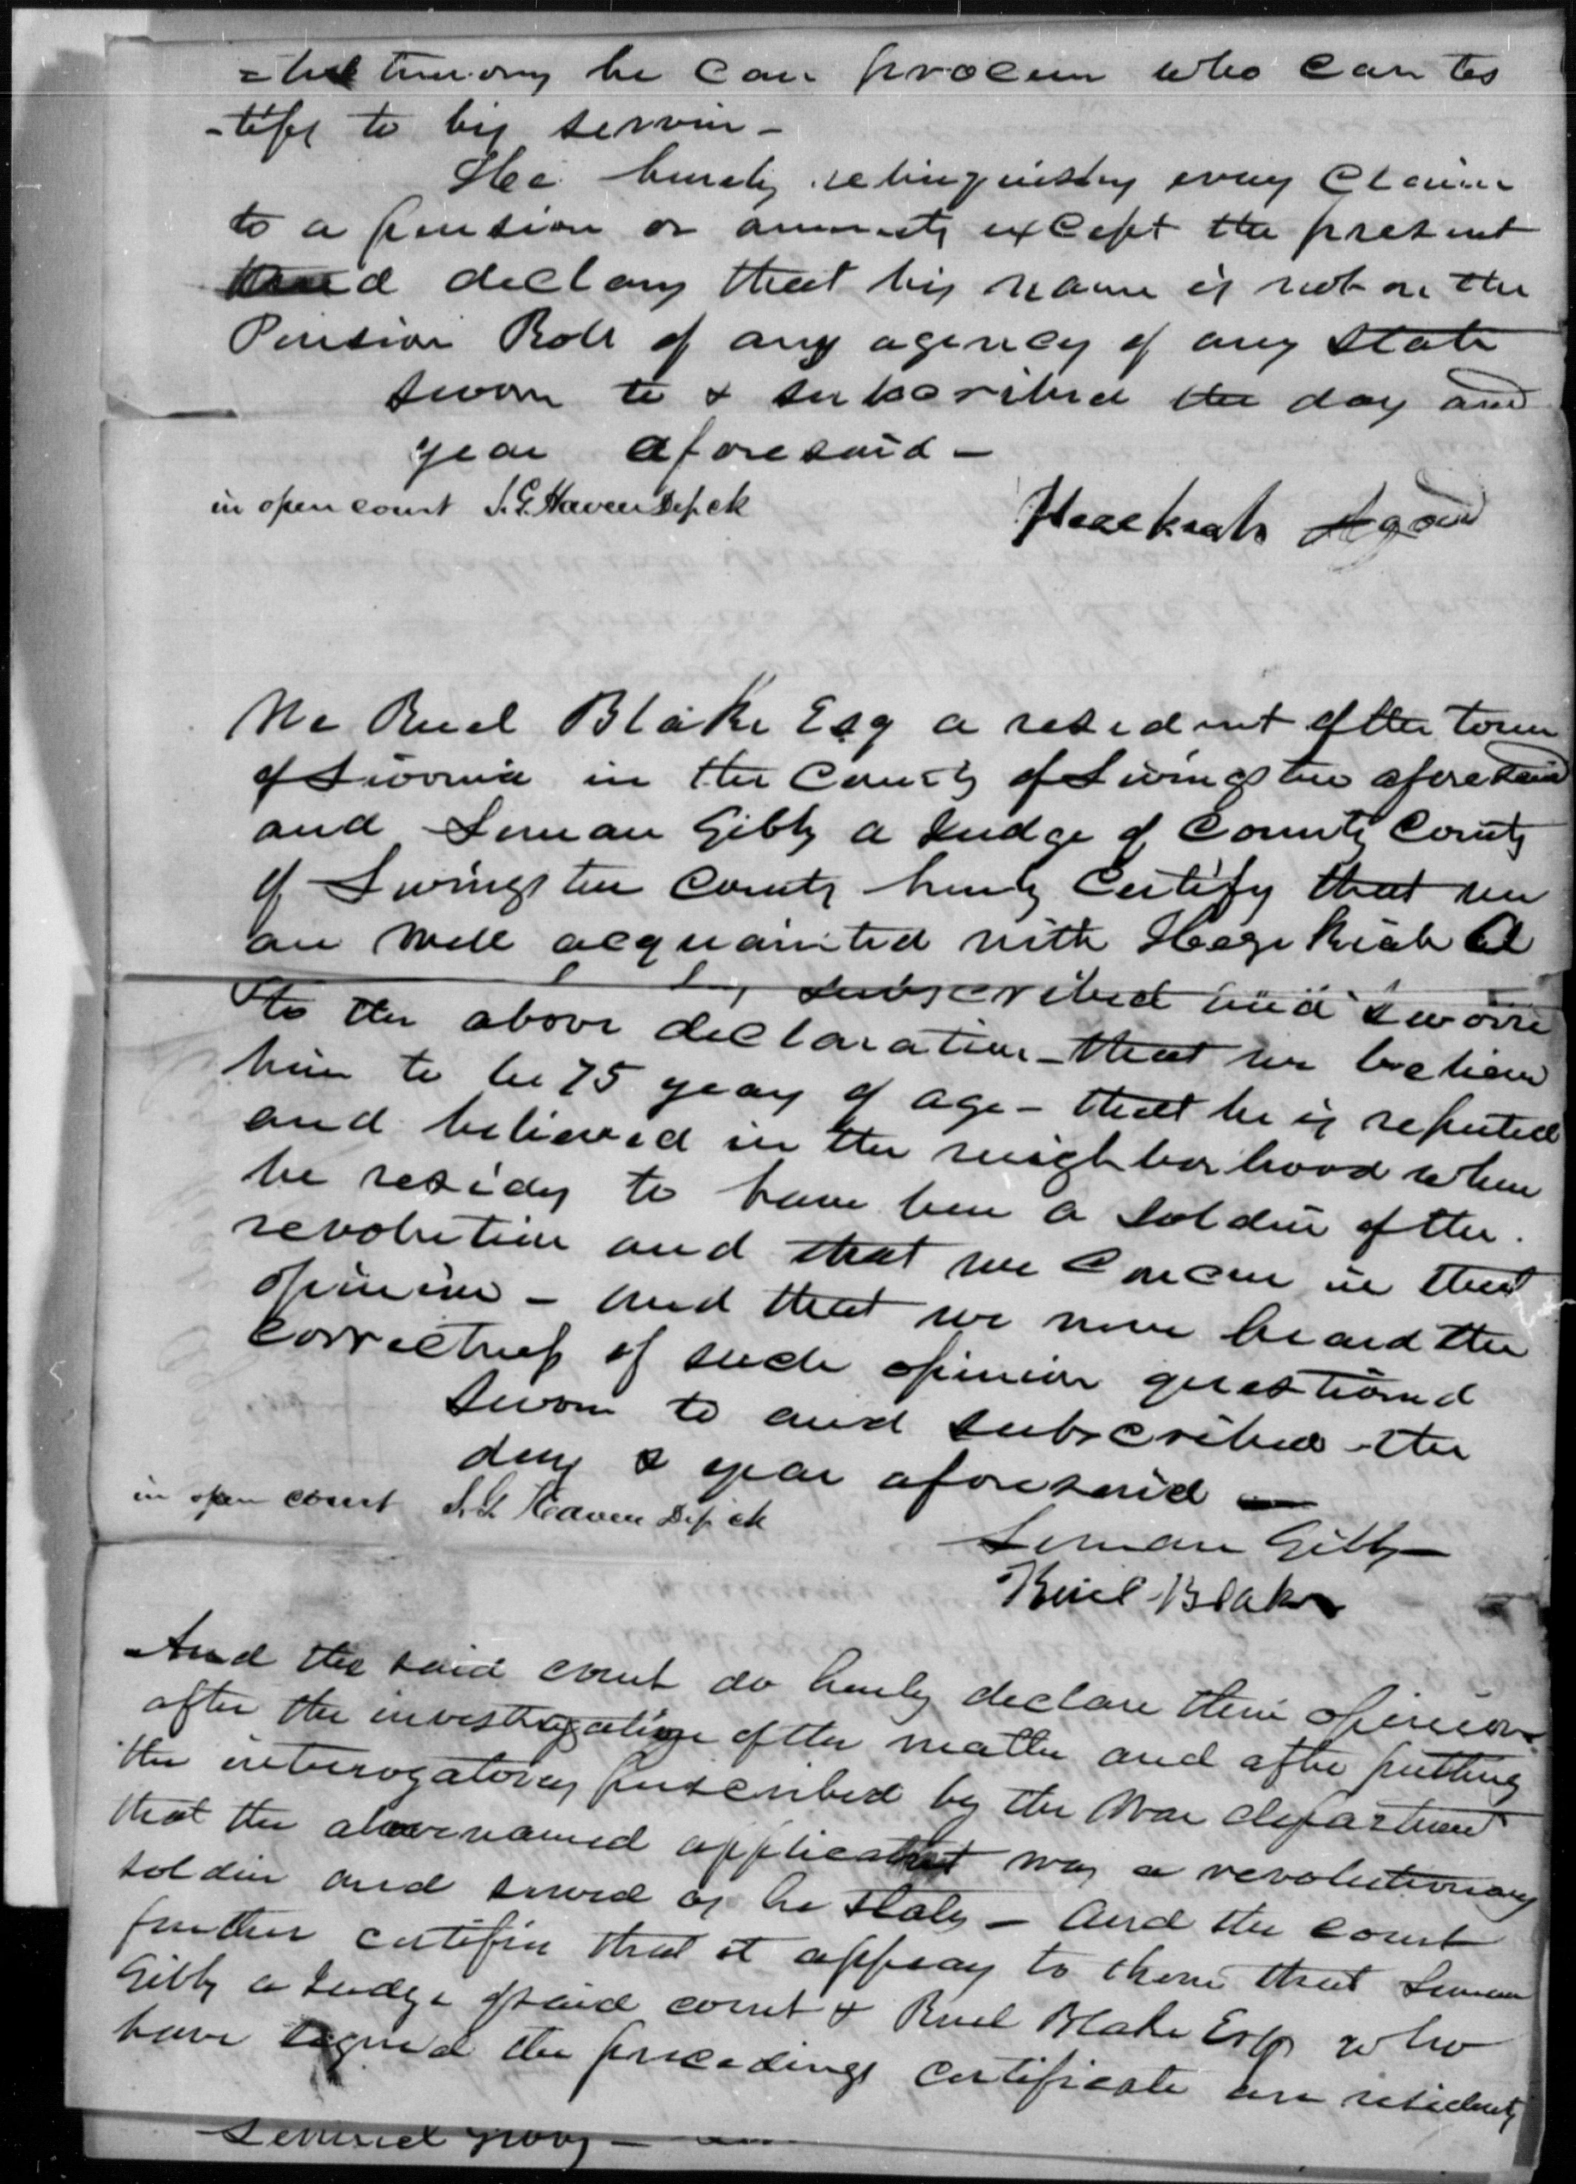testimony he can procure who can testify to his service-
He hereby relinquish every claim
to a pension or annuity except the present
declary that his name is not on the
Pension Roll of any agency of any State
Sworn to & subsribed the day and
year aforesaid -
in open Court J.G. Haven Clerk
Hezekiah Agard
Ruel Blake Esq a resident of the town of
Livonia in the County of Livingston aforesaid
and Leman Gibbs a Judge of County Court
of Livingston County hereby certify that we
are well acquainted with Hezekiah A
scribed and sworn
to the above declaration that we believe
him to be 75 years of age - that he is reputed
and believed in the neighborhood when
he resides to have been a soldier of the
revolution and that we concur in that
opinion- and that we never heard the
correctness of such opinion questioned
Sworn to and subscribed the
day & year aforesaid -
in open court S. G. Haven Dep Ck
Leman Gibbs
Brick Blake
And the said court do hereby declare their opinion after the investigation of the matter and after putting
the interrogatories prescribed by the War department
that the abovenamed applicant was a revolutionary
soldier and served as he states. And the Court
further certifies that it appears to them that Luman Gibbs a Judge of said Court & Ruel Blake Esq who
have signed the preceding certificate are resident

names: Hezekiah A, Reicl Blake, Leman Gibbs, S G Haven, S G Haven, Leman Gibbs, Leman Gibbs, Hezekiah Agard, Reed Blake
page: 6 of 19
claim: survivor's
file: S. 23,092, Hezekiah Agard, Conn.